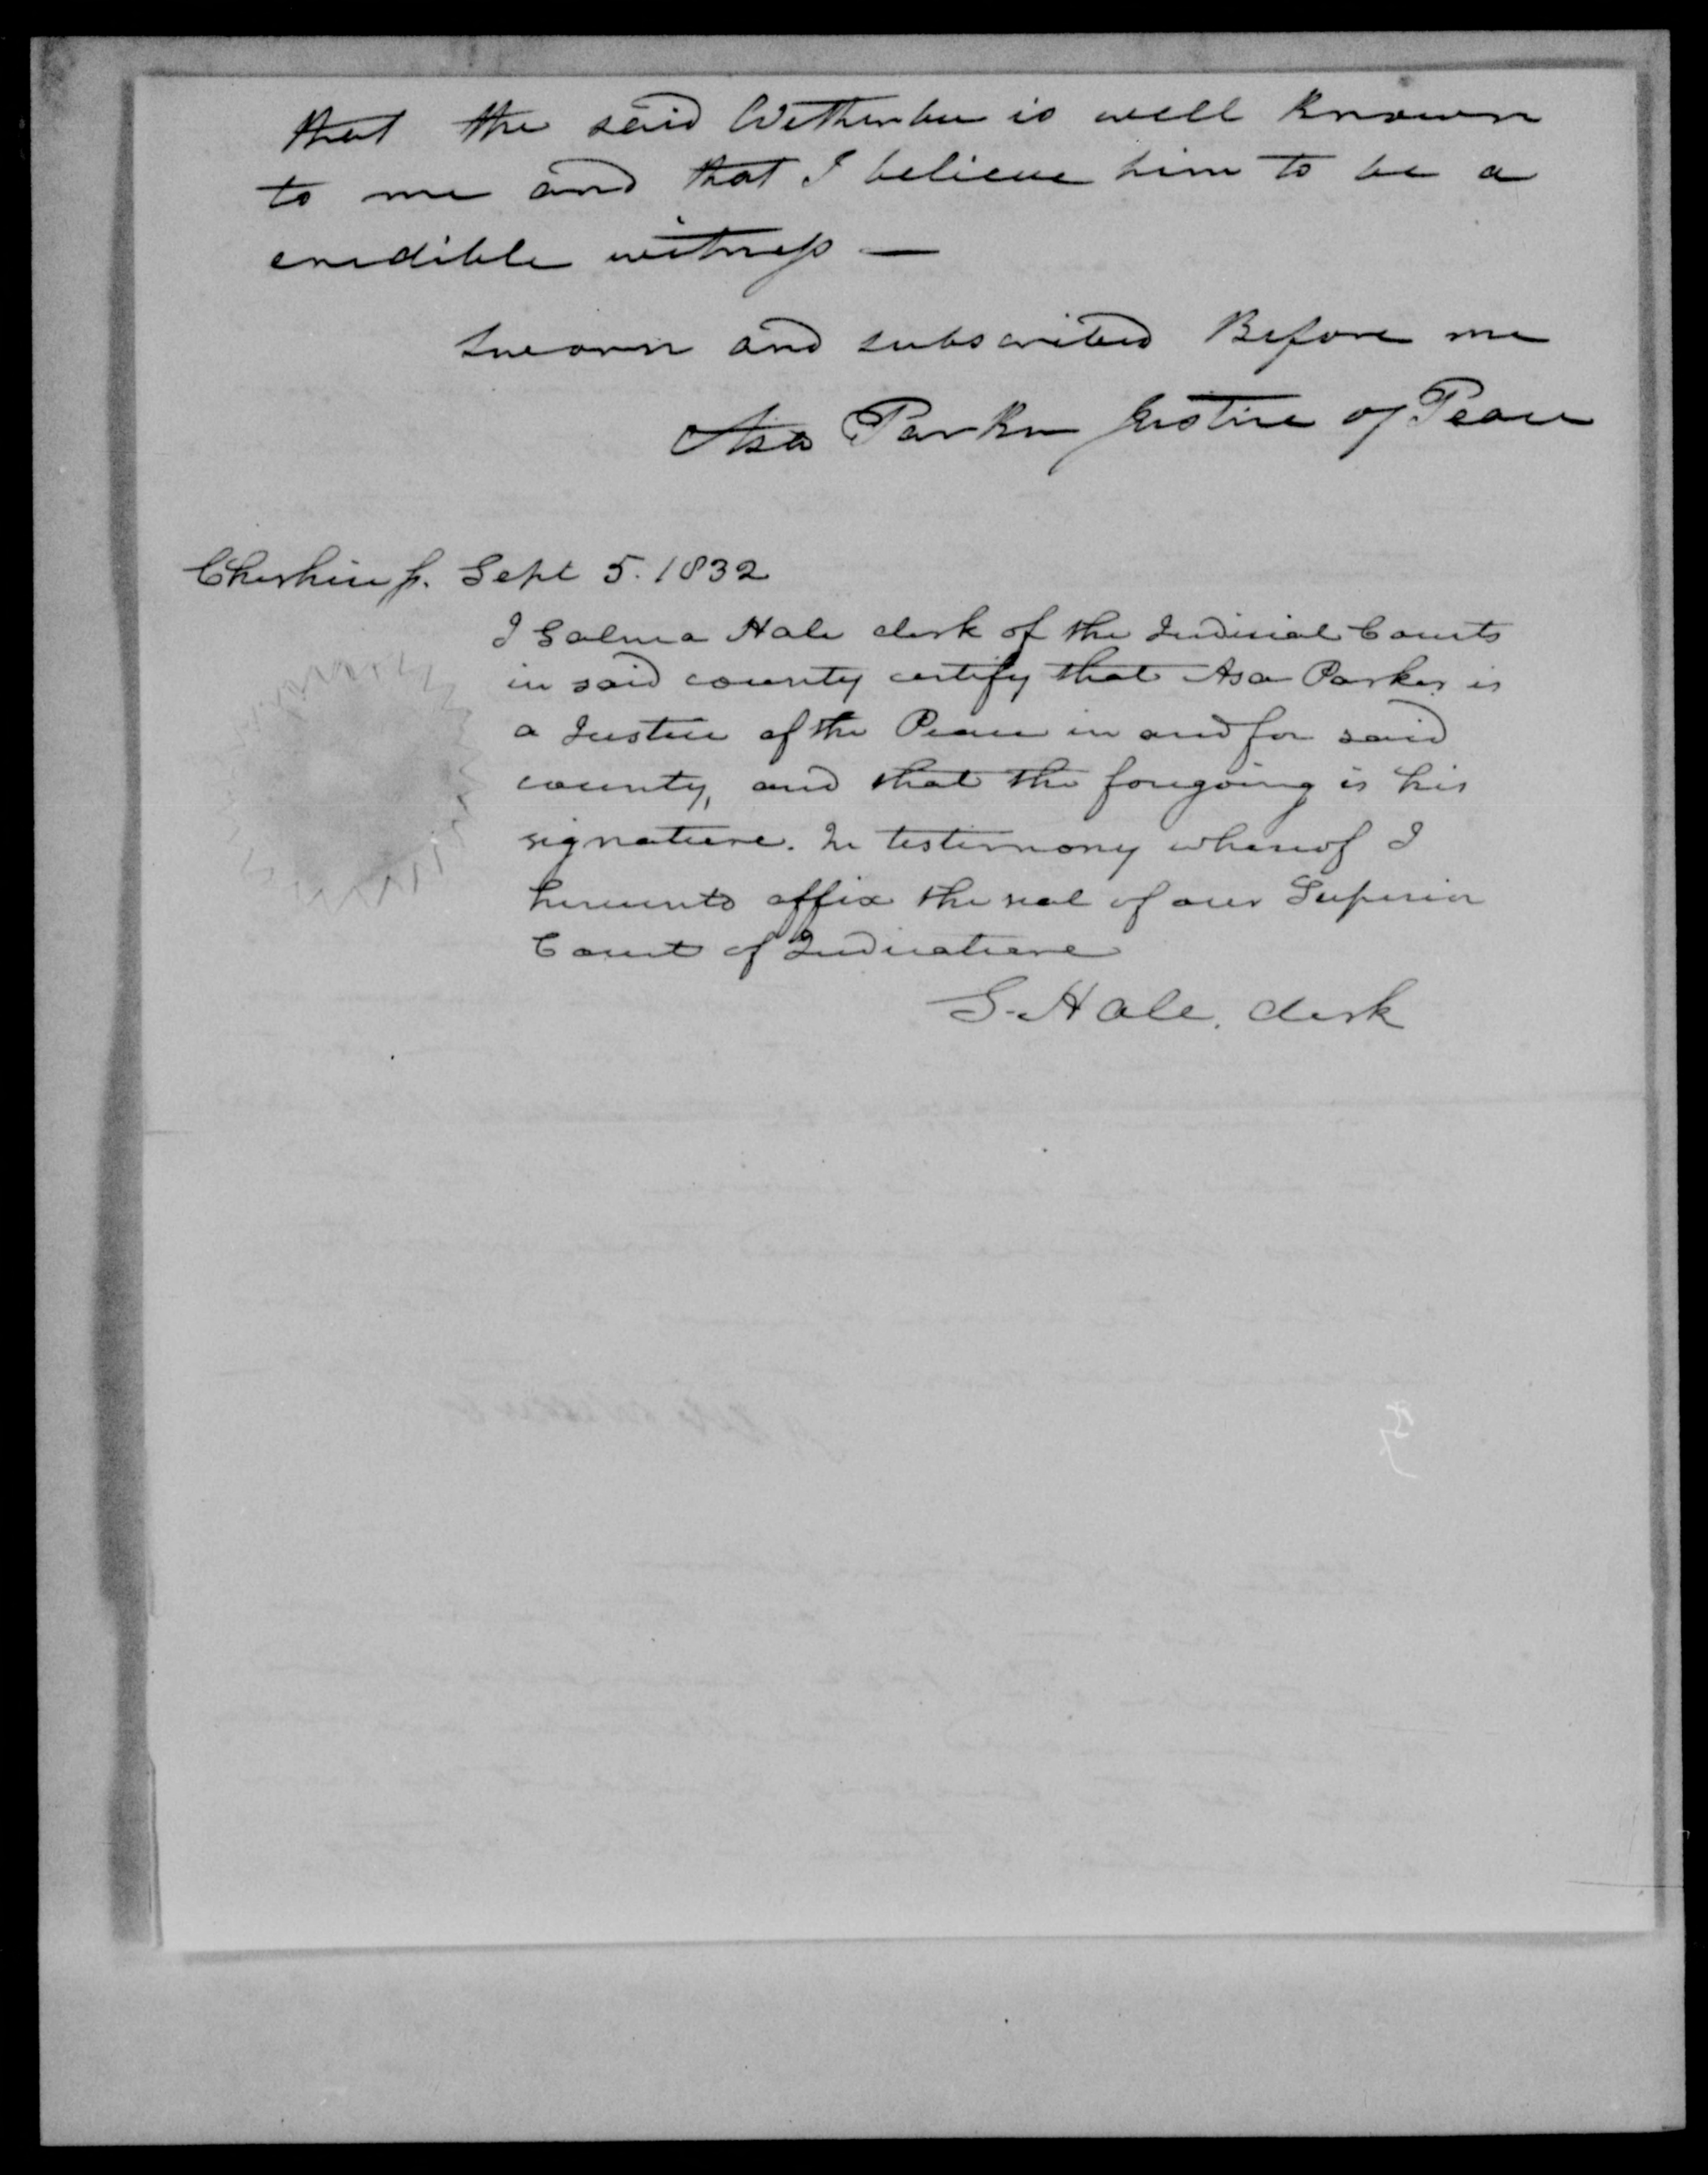that the said Wetherbee is well known to me and that I believe him to be a credible witness.
Sworn and subscribed Before me
Asa Parker Justice of Peace.

Cheshire SS Sept. 5 1832
(seal)
I Salma Hale clerk of the Judicial Courts in said county certify that Asa Parker is a Justice of the Peace in and for said county, and that the foregoing is his signature. In testimony whereof I hereunto affix the seal of our Superior Court of Judicature.
S. Hale, clerk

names: Wetherbee, Asa Parker, Salma Hale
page: 28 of 66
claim: widow's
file: W. 2468, Amos Wetherbee, Mass.